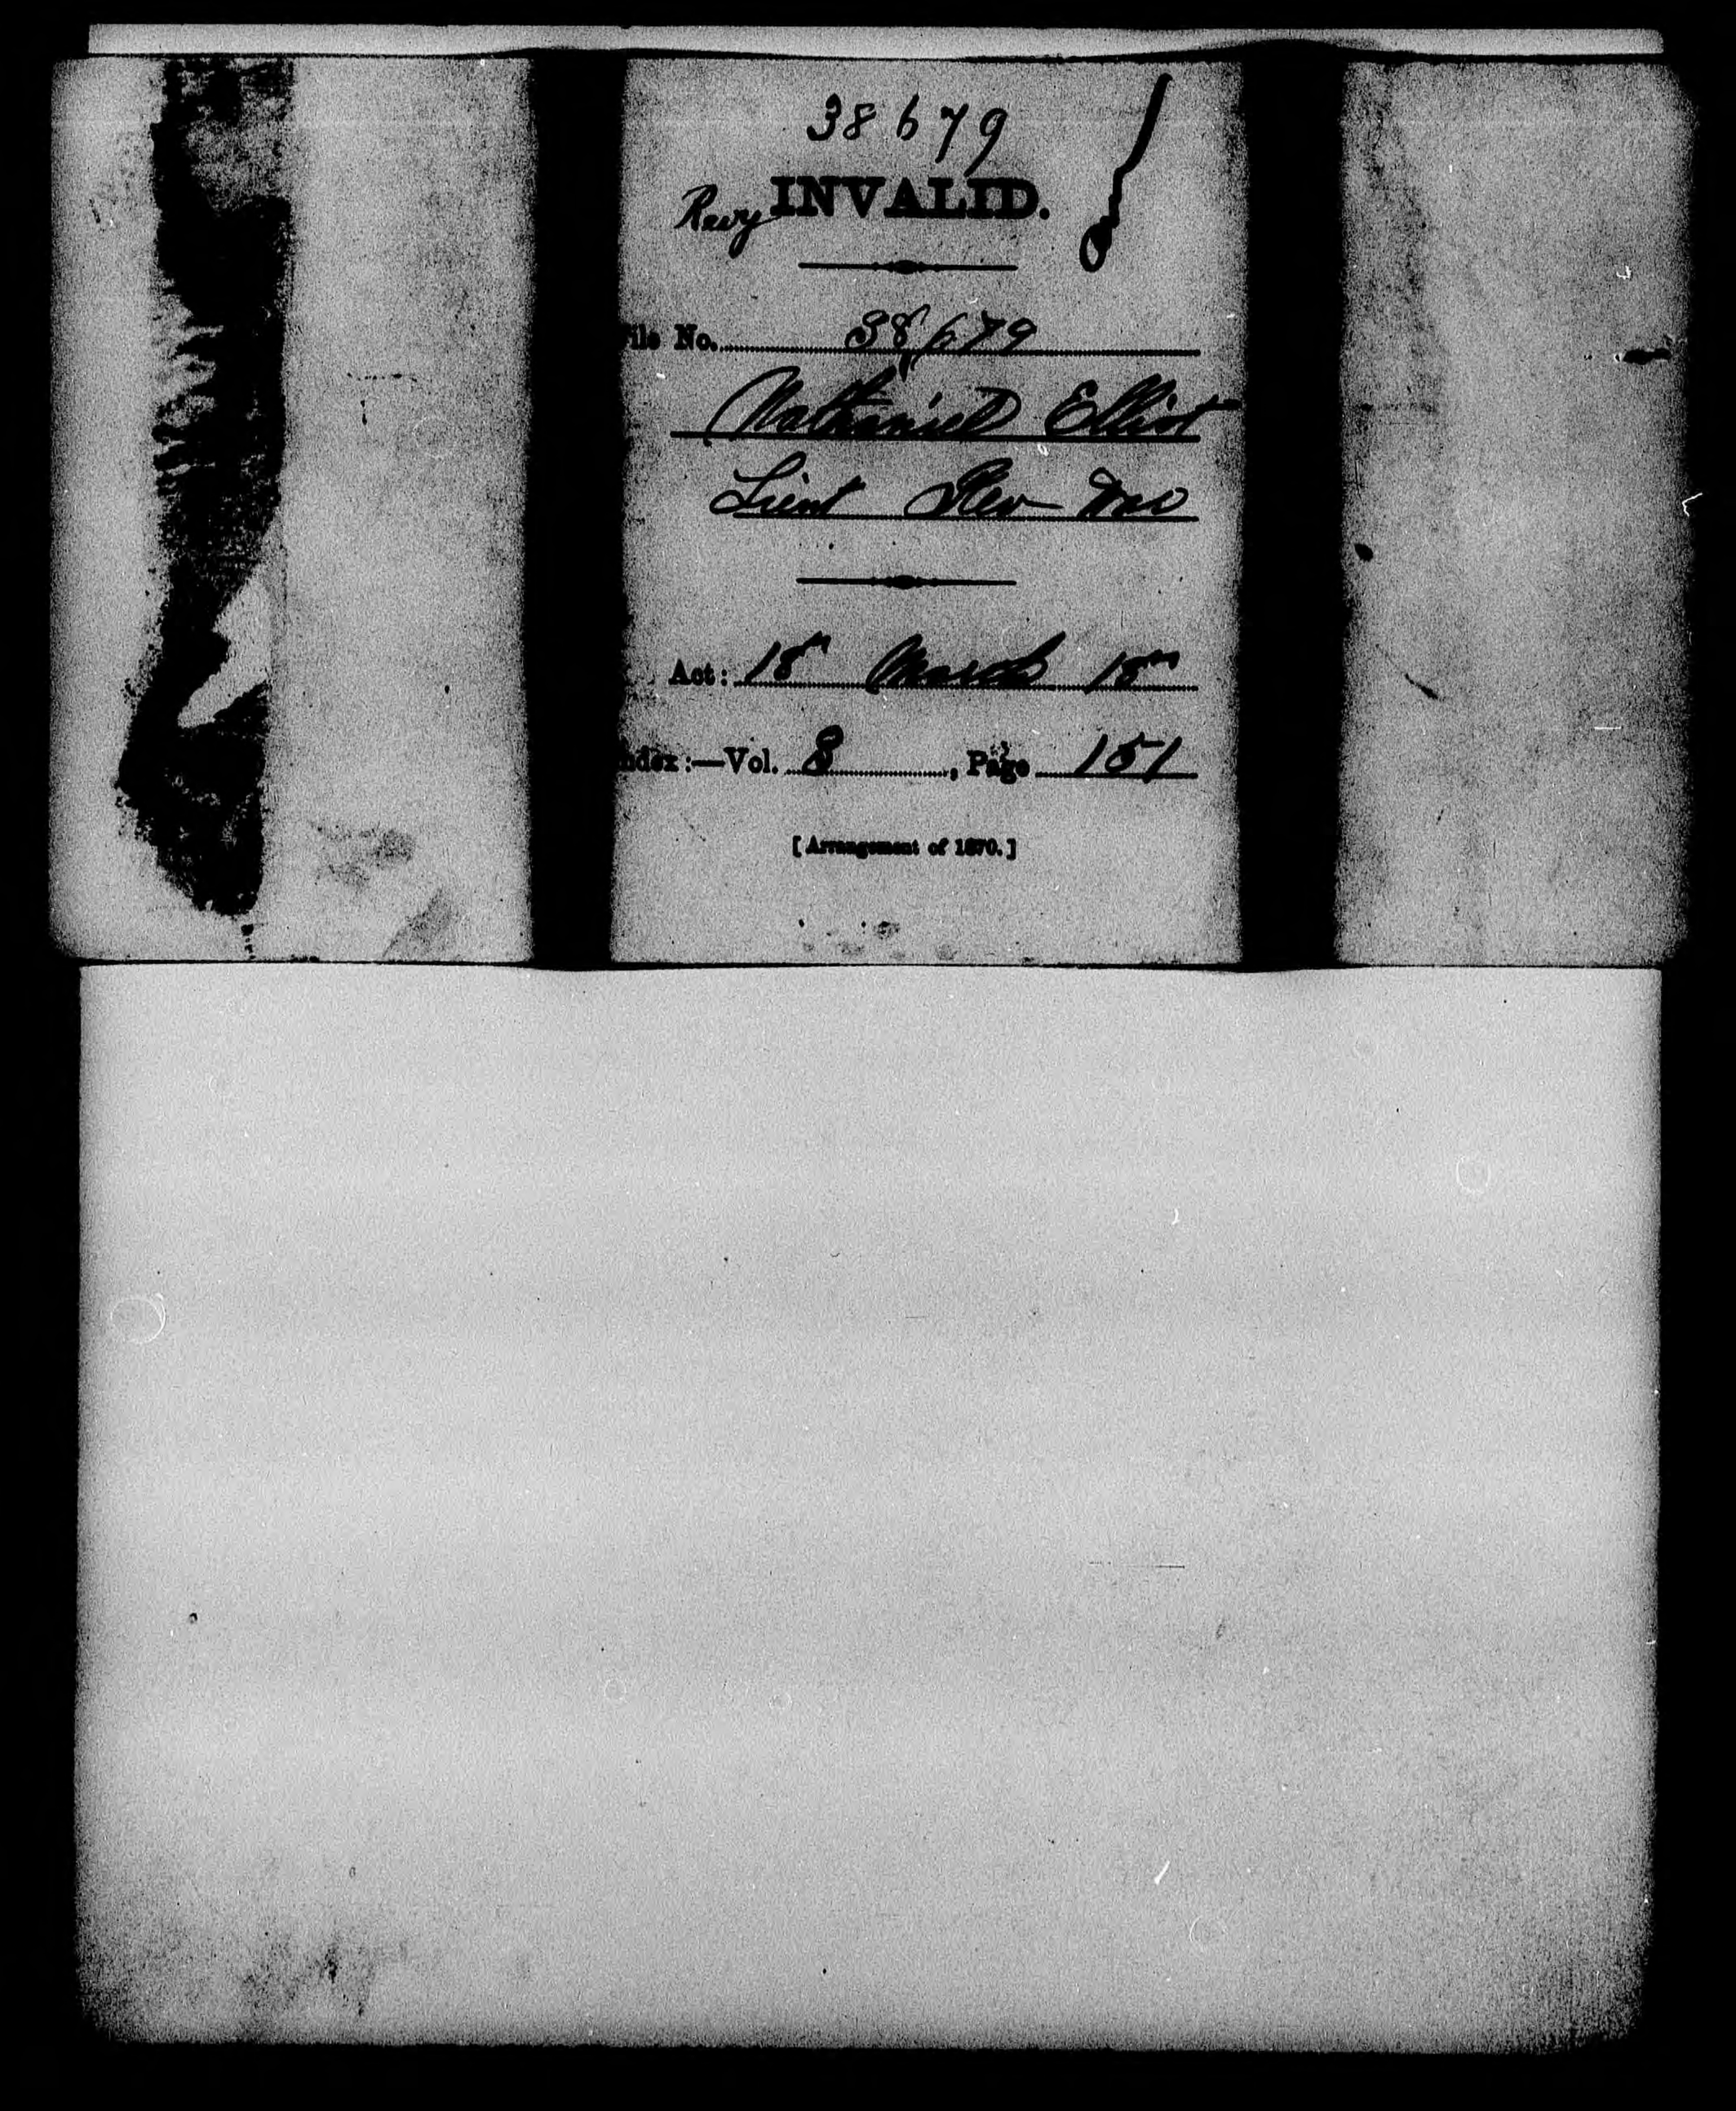38679
Revy INVALID
File No. 38679
Nathaniel Elliott
Lieut. Rev War
Act: 18 March 18
Index: -- Vol. 3, Page 151
[Arrangement of 1870.]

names: Nathaniel Elliot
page: 7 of 29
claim: survivor's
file: S. 38679, Nathaniel Elliot, Continental R.I.